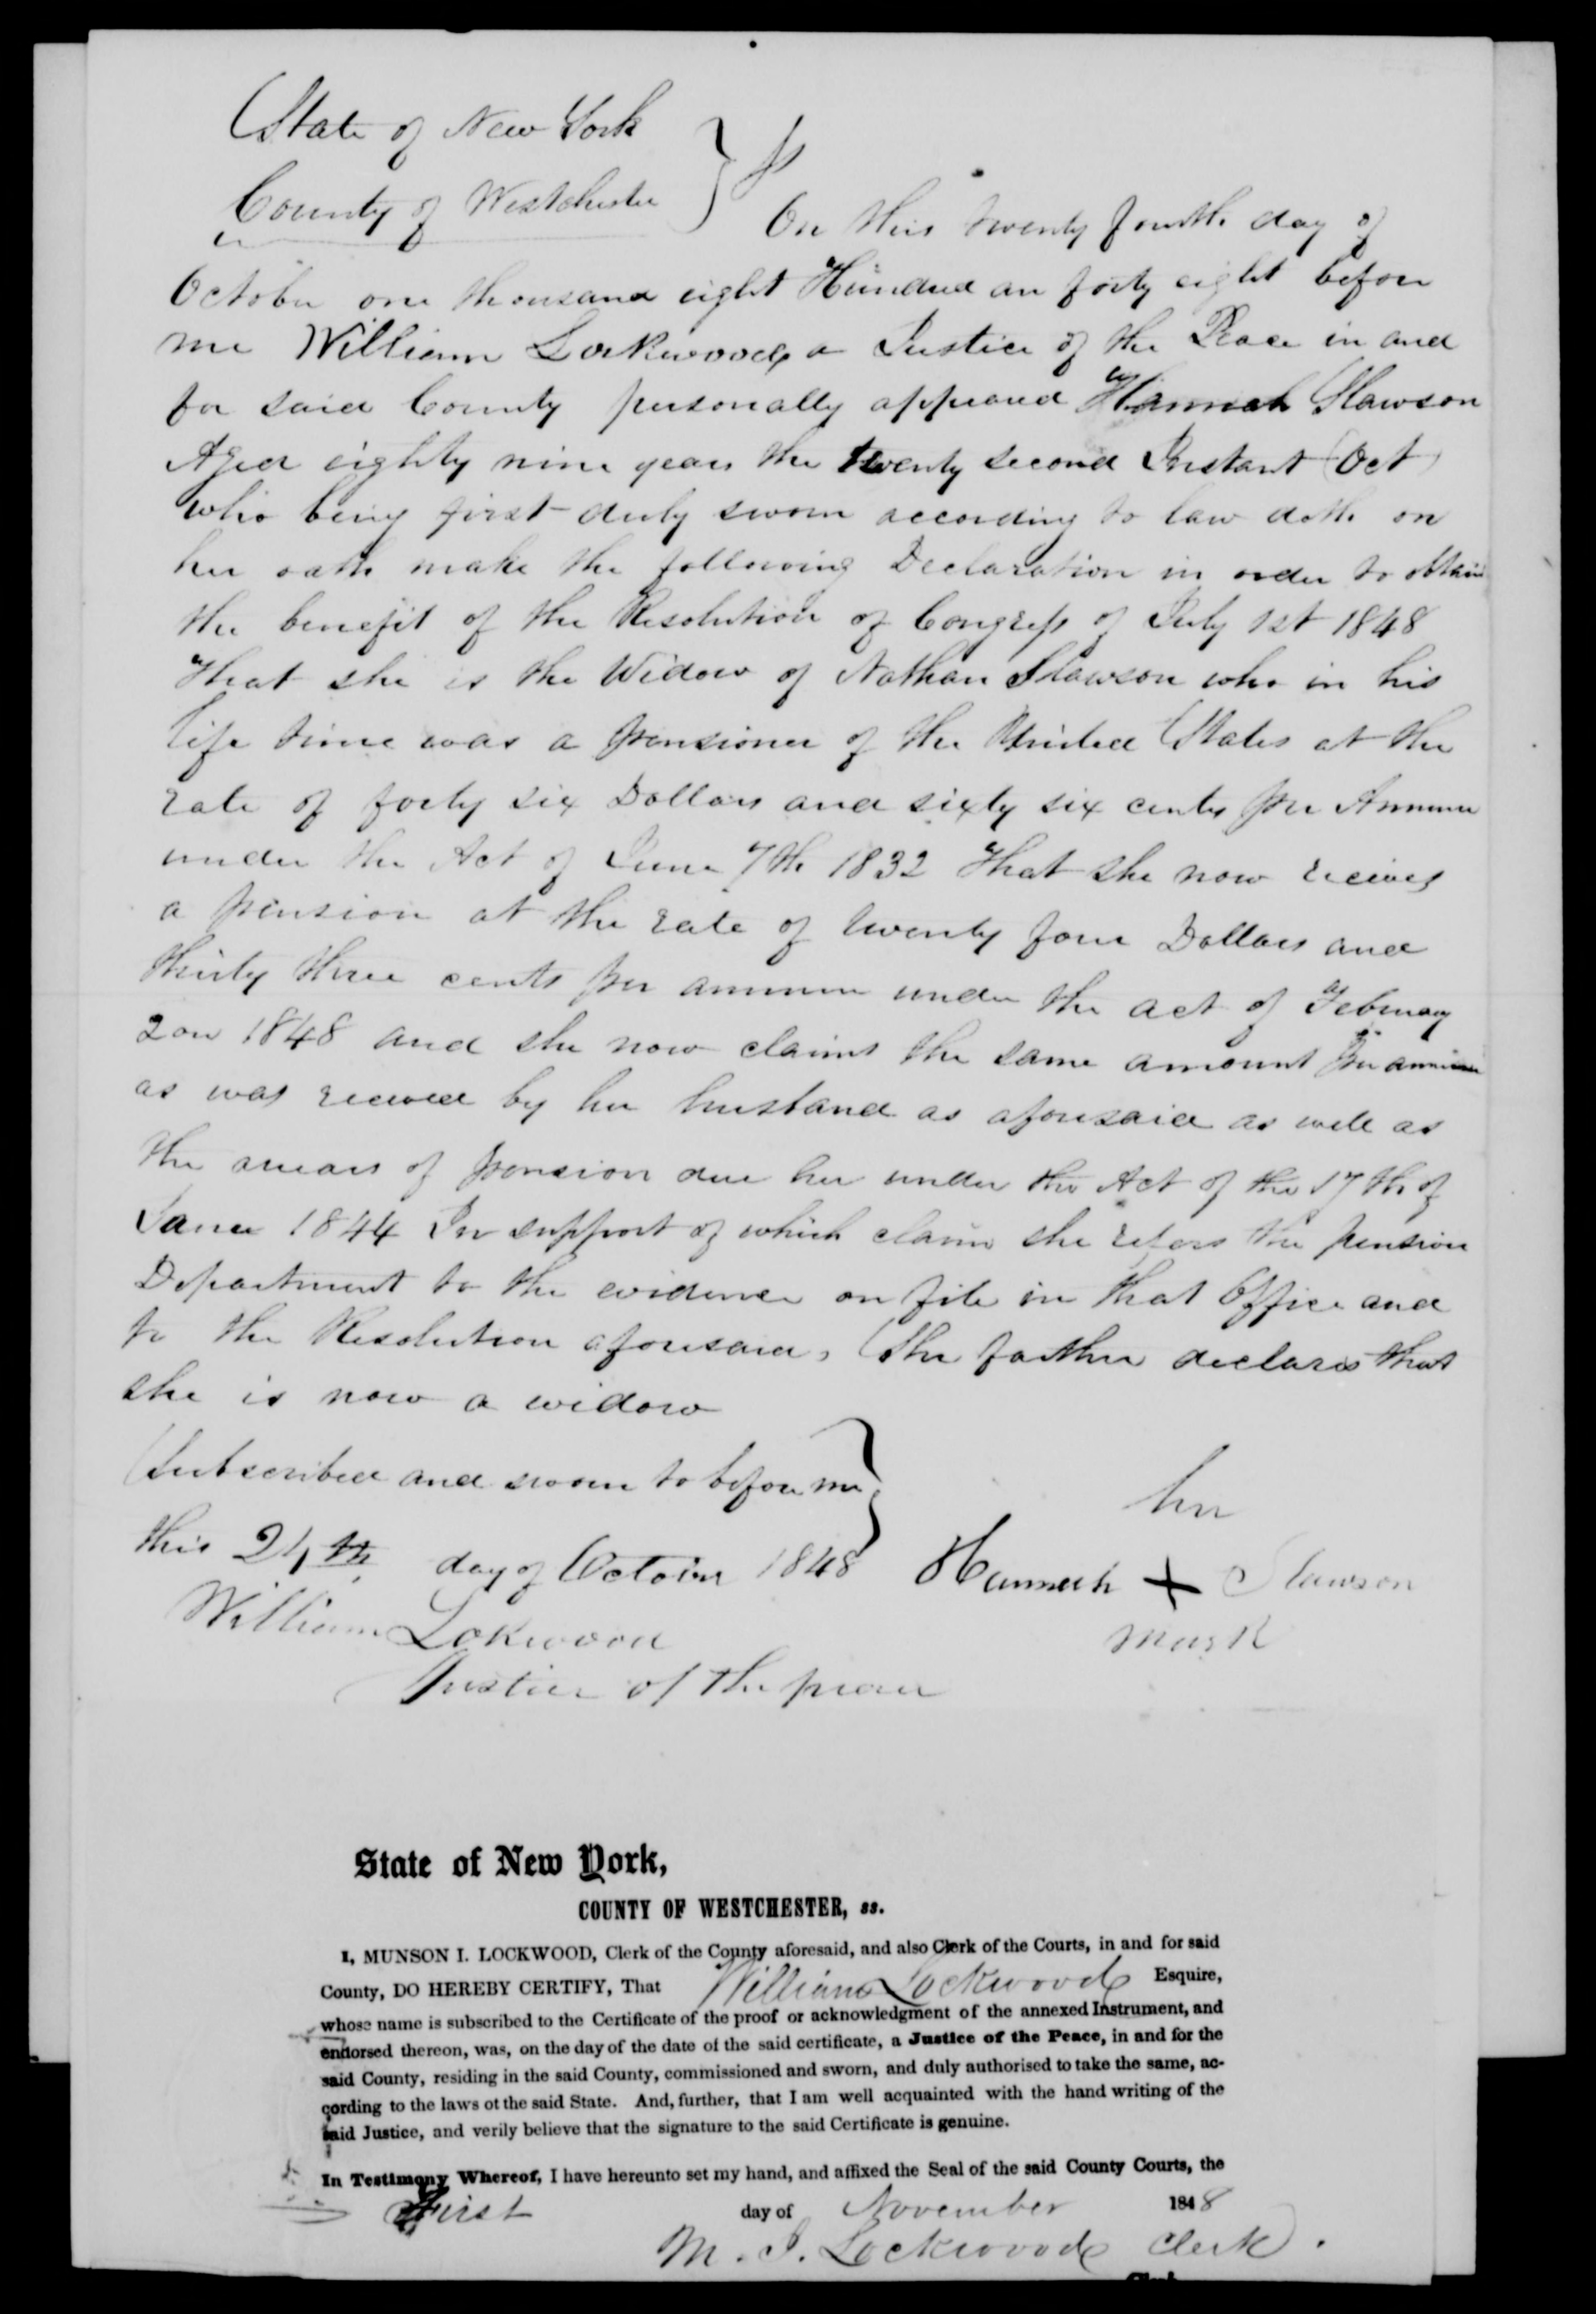State of New York 
County of Westchester} ss On this twenty fourth day of October one thousand eight Hundred and forty eight before me William Lockwood a Justice of the Peace in and for said County personally appeared Hannah Slawson Aged eighty nine years the twenty second Instant Oct,  who being first duly sworn according to law doth on her oath make the following declaration in order to Obtain the benefit of the Resolution of Congress of July 1st 1848.   That she is the widow of Nathan Slawson who in his life time was a pensioner of the United States at the rate of forty six Dollars and sixty six cents per Annum under the Act of June 7th 1832.   That she now receives a pension at the rate of twenty four Dollars and thirty three cents per annum under the act of February 2nd on 1848 and she now claims the same amount in as was received by her husband as aforesaid as well as the arrears of pension due her under the Act of the 17th of June 1844 In support of which claim she refers the pension Department to the evidence on file in that office and to the Resolution aforesaid, she further declares that she is now a widow 
Hannah Slawson her mark
Subscribed and sworn to before me her this 24th day of October 1848 
William Lockwood  Justice of the peace 
State of New York, COUNTY OF WESTCHESTER, ss. 
I, MUNSON I. LOCKWOOD, Clerk of the County aforesaid, and also Clerk of the Courts, in and for said County, DO HEREBY CERTIFY, That William Lockwood Eqr whose name is subscribed to the Certificate of the proof or acknowledgment of the annexed Instrument, and endorsed thereon, was, on the day of the date of the said certificate, a Justice of the Peace, in and for the said County, residing in the said County, commissioned and sworn, and duly authorised to take the same, according to the laws of the said State. And, further, that I am well acquainted with the hand writing of the Justice, and verily believe that the signature to the said Certificate is genuine. 
In Testimony Whereof, I have hereunto set my hand, and affixed the Seal of the said County Courts, the First day of November 1848 
M. I. Lockwood Clerk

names: Hannah Slawson; William Lokwood; M I Lockwood; Hannah Slawson; William Lockwood; Nathan Slawson; William Lockwood; Munson I Lockwood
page: 84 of 87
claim: widow's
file: W. 22,226, for Nathan Slawson, Connecticut